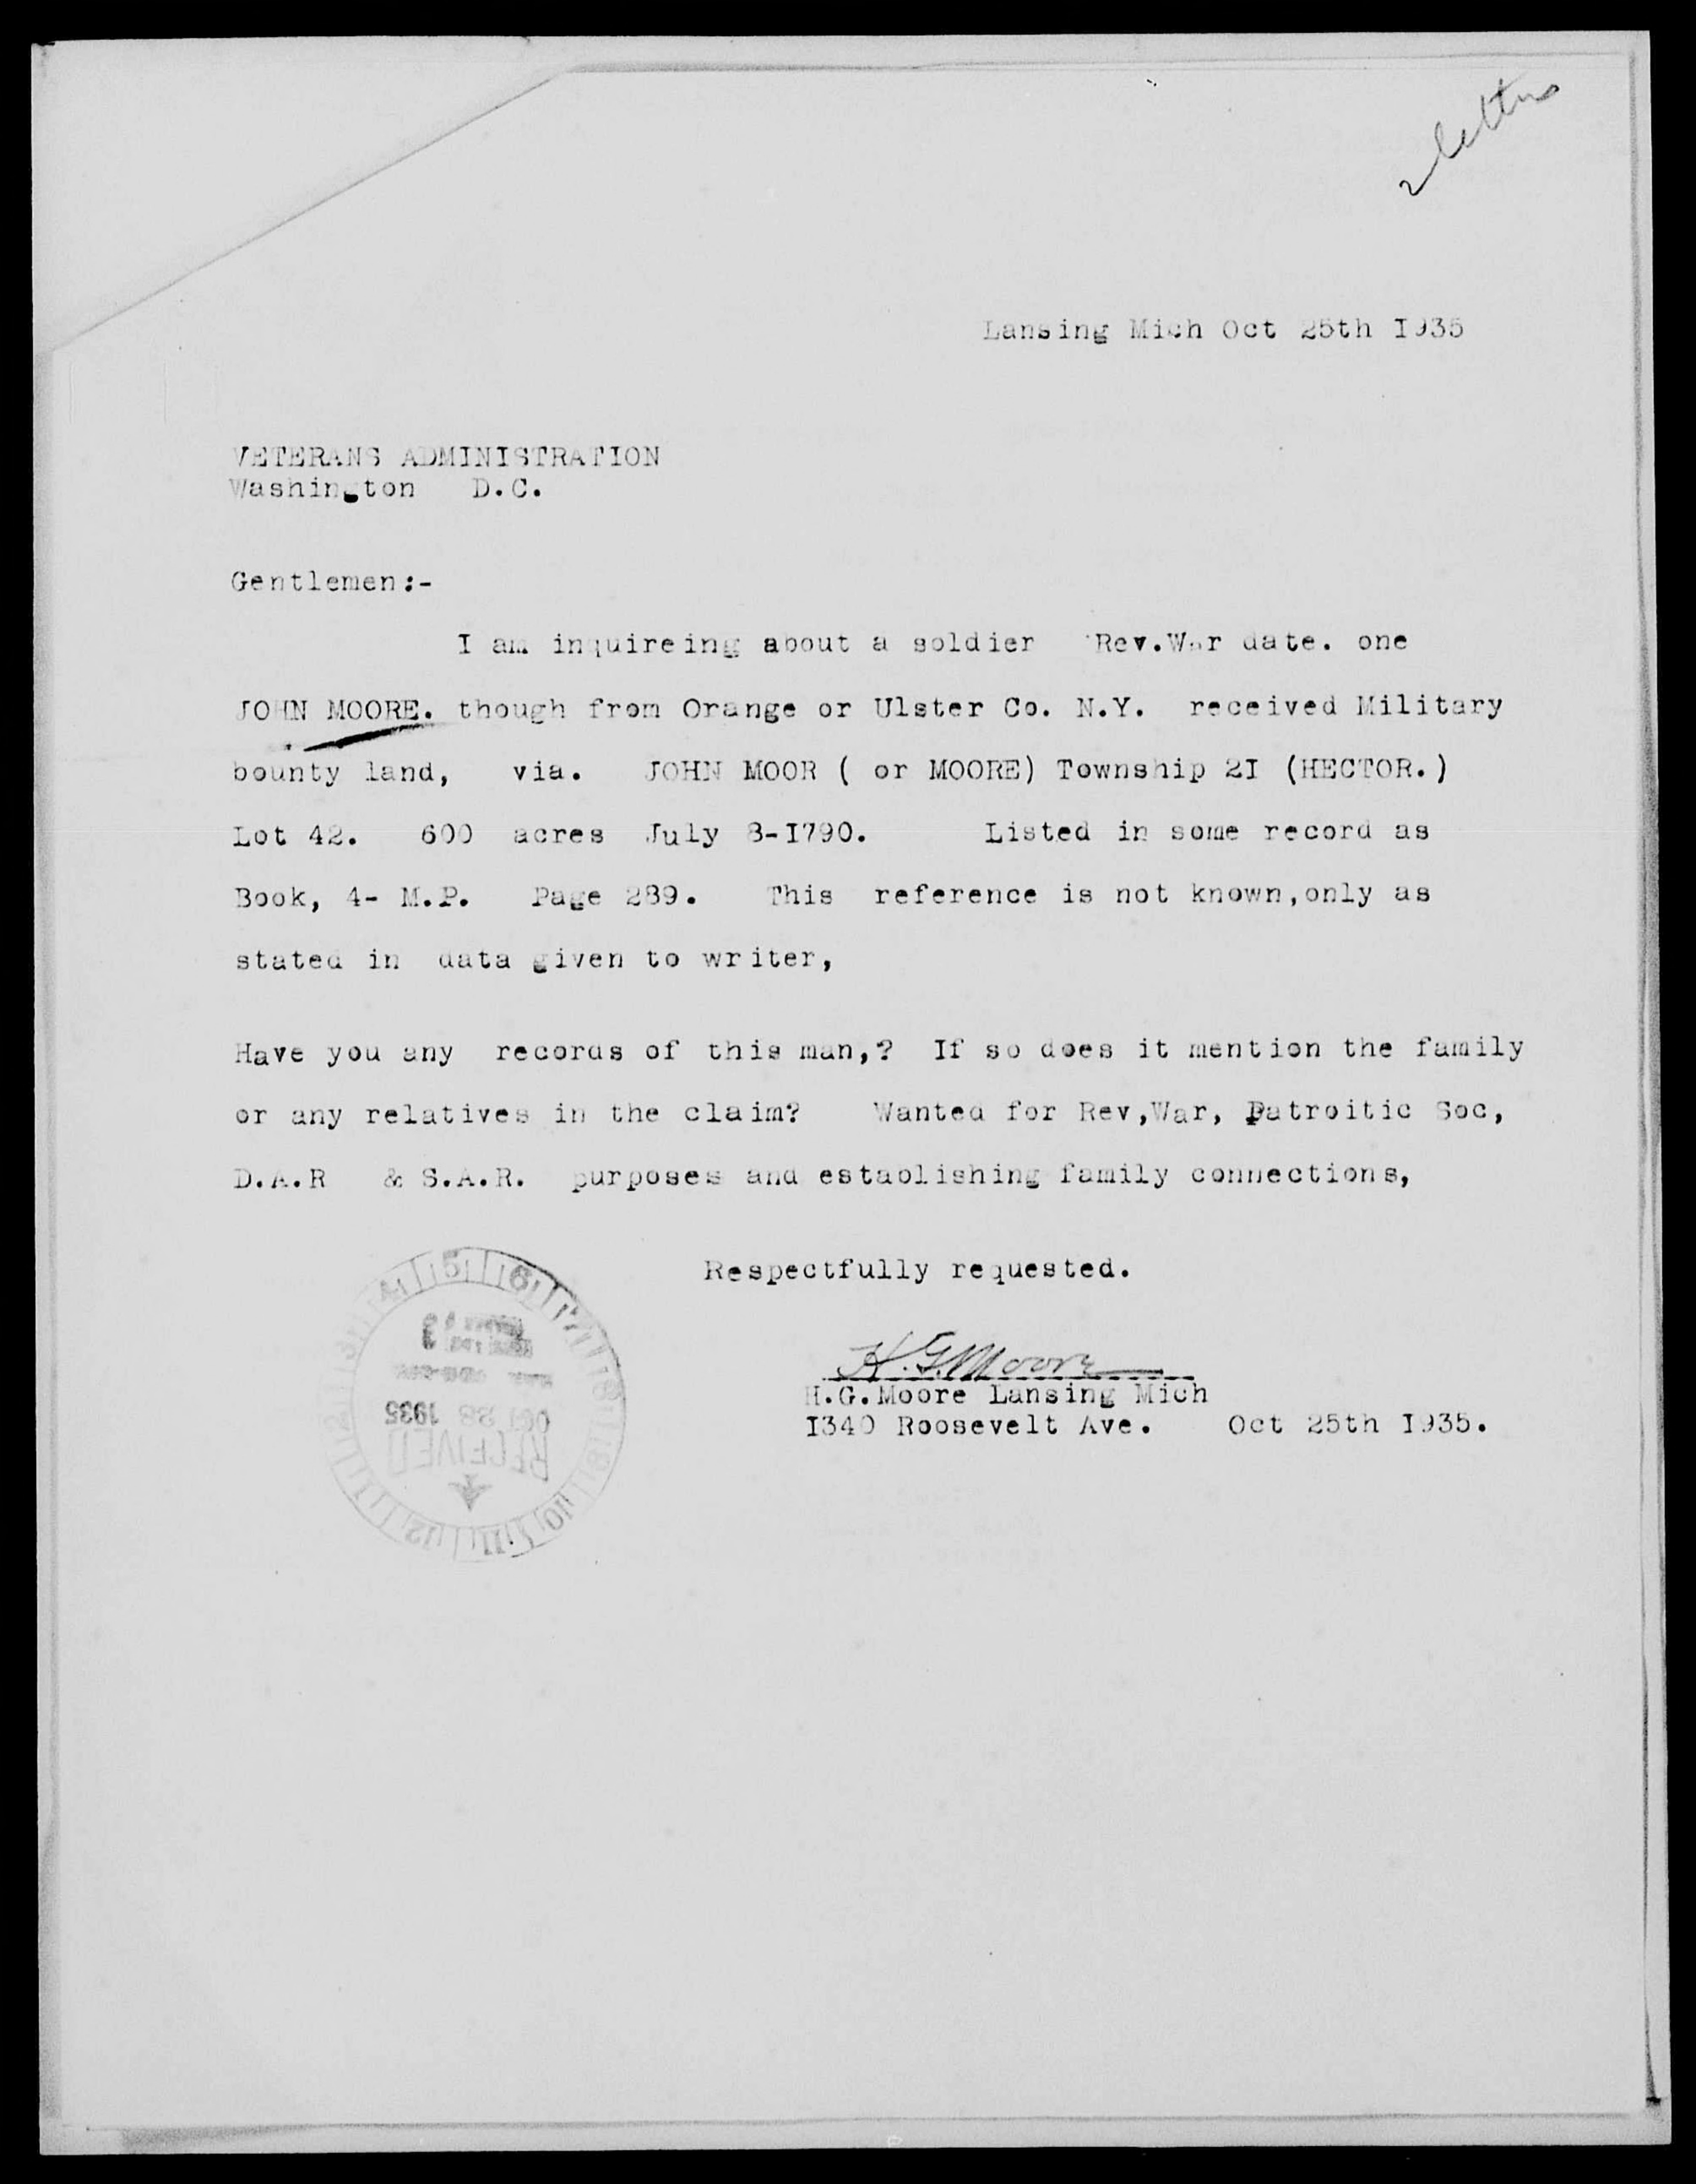2 letters
Lansing Mich Oct 25th 1935
VETERANS ADMINISTRATION 
Washington D. C. 
Gentlemen:- 
I am inquiring about a soldier Rev. War date, one JOHN MOORE, though from Orange or Ulster Co. N. Y. received Military bounty land, via. JOHN MOOR (or MOORE) Township 21 ( HECTOR.) Lot 42. 600 acres July 8 - 1790. Listed in some record as Book, 4- M. P. Page 289. This reference is not known, only as stated in data given to writer, 
Have you any records of this man,? If so does it mention the family or any relatives in the claim? Wanted for Rev. War, Patroitic Soc, D. A. R. & S. A. R. purposes and establishing family connections, 
Respectfully requested. 
[signed] H. G. Moore 
H. G. Moore Lansing Mich 
1340 Roosevelt Ave.  Oct 25th 1935.

[stamped received Oct 28 1935]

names: John Moor; H G Moore; John Moore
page: 15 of 15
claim: survivor's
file: S. 43029, for John Moore, New York